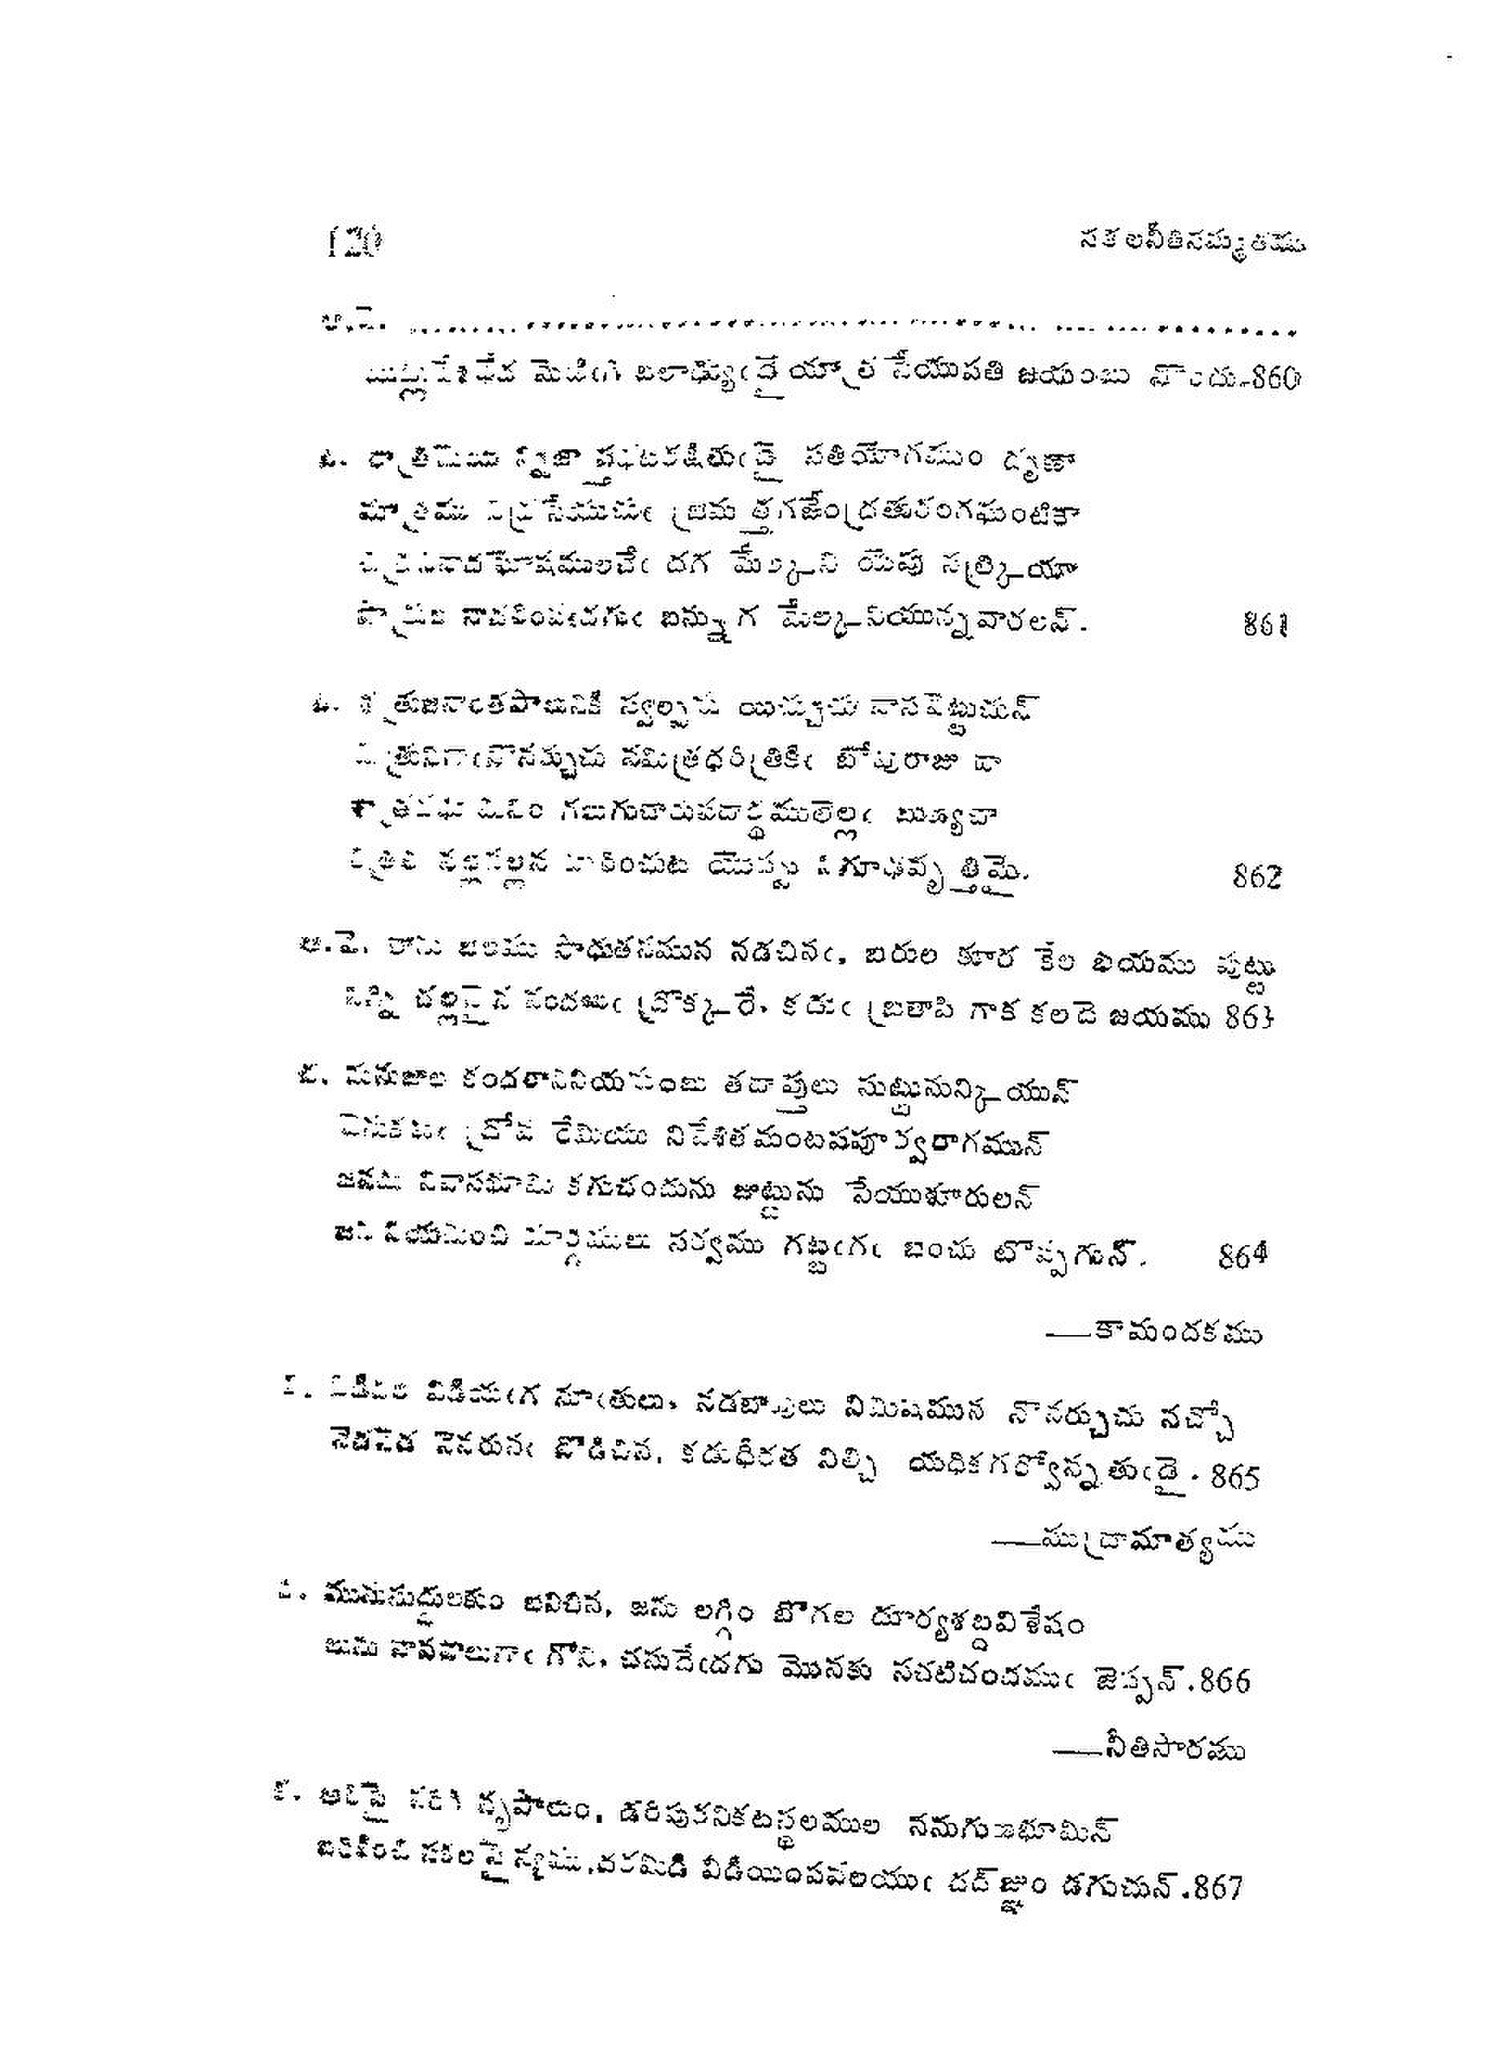ఆ. ................................................
.................................................
యిట్లు దేశభేద మెఱిఁగి బలాఢ్యుఁడై
యాత్ర సేయు పతి జయంబు నొందు. 860

ఉ. రాత్రిమెయి న్నిజాప్తభటరక్షితుఁడై సతియోగముం దృణా
మాత్రము నిద్రసేయుచుఁ బ్రమత్తగజేంద్రతురంగఘంటికా
చిత్రనినాదఘోషములచేఁ దగ మేల్కని యెపు సత్క్రియా
పాత్రుల నాదరింపఁదగుఁ బన్నుగ మేల్కనియున్నవారలన్. 861

ఉ. శత్రుజనాంతపాలునికి స్వల్పమ యిచ్చుచు నాసవెట్టుచున్
మిత్రునిగాఁ నొనర్చుచు నమిత్రధరిత్రికిఁ బోవు రాజు దా
శాత్రప్రభూమినిం గలుగు చారుపదార్థములెల్లఁ బుణ్యచా
రిత్రత నల్లనల్లన హరించుట యొప్పు నిగూఢవృత్తిమై. 862

ఆ. తాను బలము సాధుతనమున నడిచినఁ
బరుల కూర కేల భయము పుట్టు
నగ్ని చల్లనైన నందఱుఁ ద్రొక్కరే
కడుఁ బ్రతాపి గాక కలదె జయము. 863

చ. మనుజుల కందరాని నియమంబు తదాప్తులు సుట్టునున్కియున్
వెనుకకుఁ ద్రోవ రేమియు నివేశితమంటపపూర్వరాగమున్
జనదు నివాసభూమి కగుచందును జుట్టును సేయుశూరులన్
జన నియమించి మార్గములు సర్వము గట్టఁగఁ బంచు టొప్పగున్. 864

క. విడిదల విడియఁగ నూఁతులు
నడబావులు నిమిషమున నొనర్చుచు నచ్చో
నెడనెడ నెనరునఁ బొడిచిన
కడుధీరత నిల్చి యధికగర్వోన్నతుఁడై. 865

క. మునుసుద్దులకుం బనిచిన
జను లగ్గిం బొగల దూర్యశబ్దవిశేషం
బును నానవాలుగాఁ గొని
చనుదేఁదగు మొనకు నచటిచందముఁ జెప్పన్. 866

క. అరిపై నరిగి నృపాలుం
డరిపురనికటస్థలముల ననుగుణభూమిన్
బరకించి సకలసైన్యము
చరమిడి విడియింపవలయుఁ దద్జ్ఞుం డగుచున్. 867